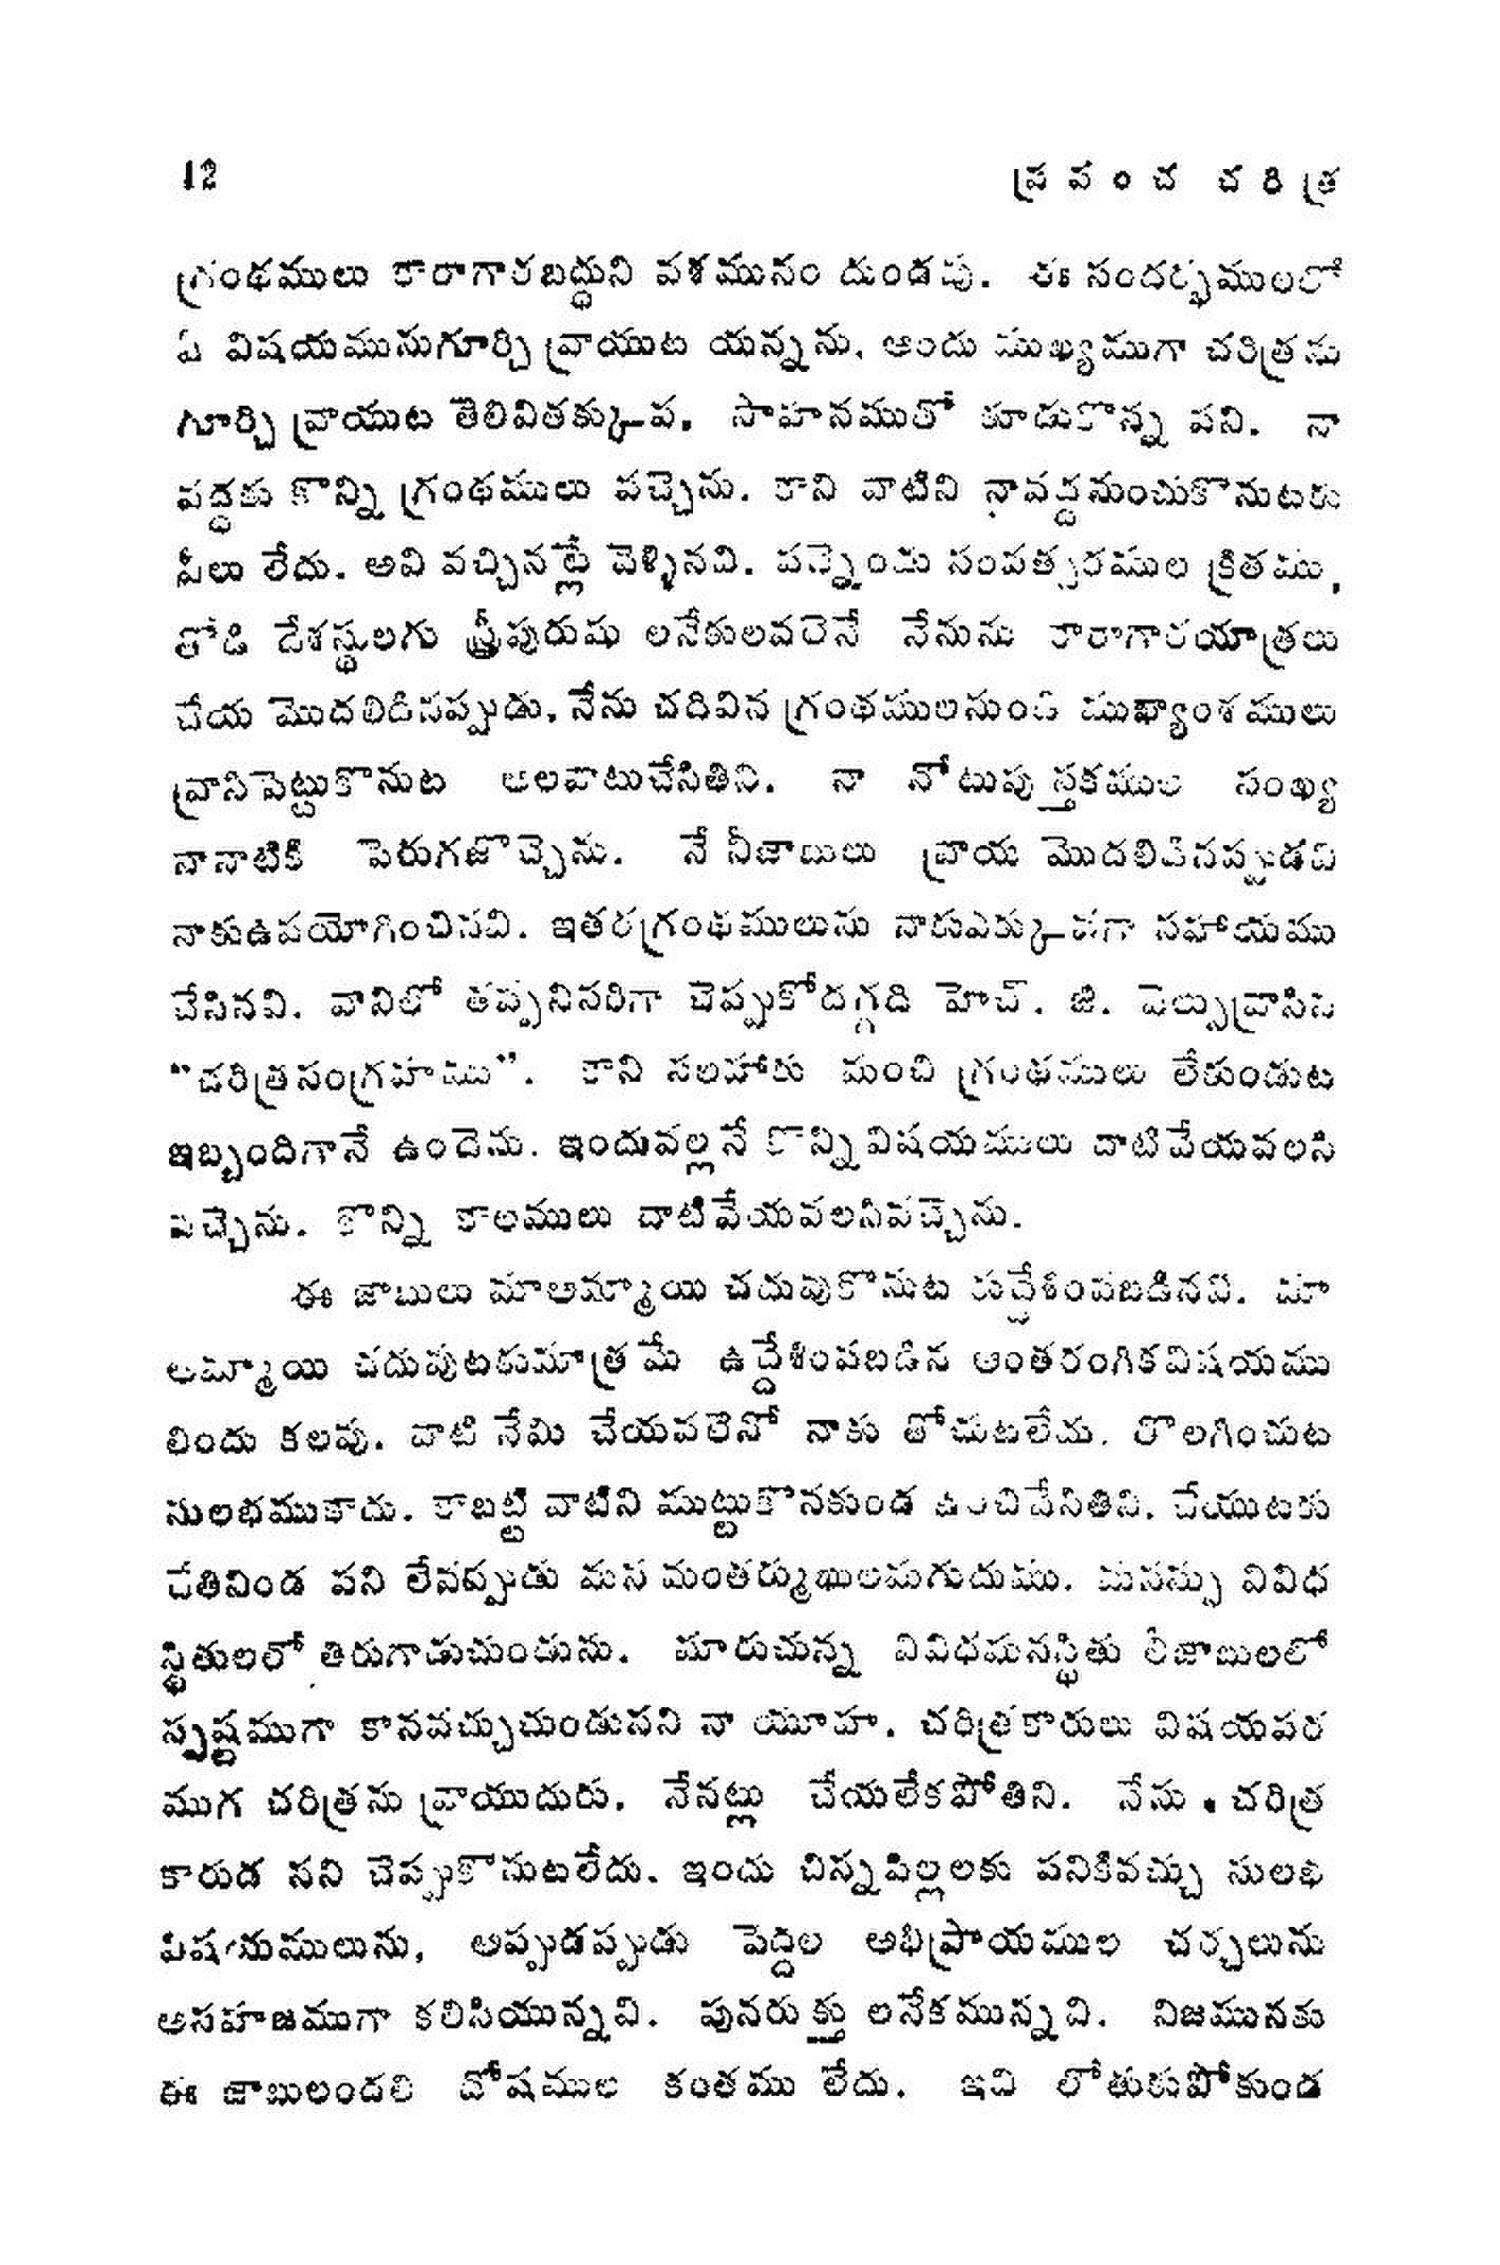గ్రంథములు కారాగారబద్దుని వశమునం దుండవు. ఈ సందర్భములలో ఏ విషయమునుగూర్చి వ్రాయుట యన్నను, ఆందు ముఖ్యముగా చరిత్రను గూర్చి వ్రాయుట తెలివితక్కువ. సాహసముతో కూడుకొన్న పని. నా వద్దకు కొన్ని గ్రంథములు వచ్చెను. కాని వాటిని నావద్దనుంచుకొనుటకు వీలు లేదు. అవి వచ్చినట్లే వెళ్ళినవి. పన్నెండు సంవత్సరముల క్రితము, తోడి దేశస్థులగు స్త్రీపురుషు లనేకులవలెనే నేనును కారాగార యాత్రలు చేయ మొదలిడినప్పుడు, నేను చదివిన గ్రంథములనుండి ముఖ్యాంశములు వ్రాసి పెట్టుకొనుట ఆలవాటుచేసితిని. నా నోటుపుస్తకముల సంఖ్య నానాటికి పెరుగజొచ్చెను. నే నీ జాబులు వ్రాయ మొదలిడినప్పుడవి నాకు ఉపయోగించినవి. ఇతర గ్రంథములును నాకు ఎక్కువగా సహాయము చేసినవి. వానిలో తప్పనిసరిగా చెప్పుకోదగ్గది హెచ్. జి. వెల్సువ్రాసిన "చరిత్రసంగ్రహము". కాని సలహాకు మంచి గ్రంథములు లేకుండుట ఇబ్బందిగానే ఉండెను. ఇందువల్లనే కొన్ని విషయములు దాటి చేయవలసి వచ్చెను. కొన్ని కాలములు దాటివేయవలసివచ్చెను.

ఈ జాబులు మాఅమ్మాయి చచువుకొనుట కుద్దేశింపబడినవి. మా అమ్మాయి చదువుటకుమాత్రమే ఉద్దేశింపబడిన ఆంతరంగికవిషయము లిందు కలవు. వాటి నేమి చేయవలేనో నాకు తోచుటలేదు. తొలగించుట సులభముకాదు. కాబట్టి వాటిని ముట్టుకొనకుండ ఉంచివేసితిని. చేయుటకు చేతినిండ పని లేనప్పుడు మనమంతర్ముఖులమగుదుము. మనస్సు వివిధ స్థితులలో తిరుగాడుచుండును. మారుచున్న వివిధమనస్థితు లీజాబులలో స్పష్టముగా కానవచ్చుచుండునని నా యూహ. చరిత్రకారులు విషయపరముగ చరిత్రను వ్రాయుదురు. నేనట్లు చేయలేకపోతిని. నేను చరిత్రకారుడ నని చెప్పుకొనుటలేదు. ఇందు చిన్నపిల్లలకు పనికివచ్చు సులభ విషయములును, అప్పుడప్పుడు పెద్దల అభిప్రాయముల చర్చలును అసహజముగా కలిసియున్నవి. పునరుక్తు లనేకమున్నవి. నిజమునకు ఈ జాబులందలి దోషముల కంతము లేదు. ఇది లోతుకుపోకుండ